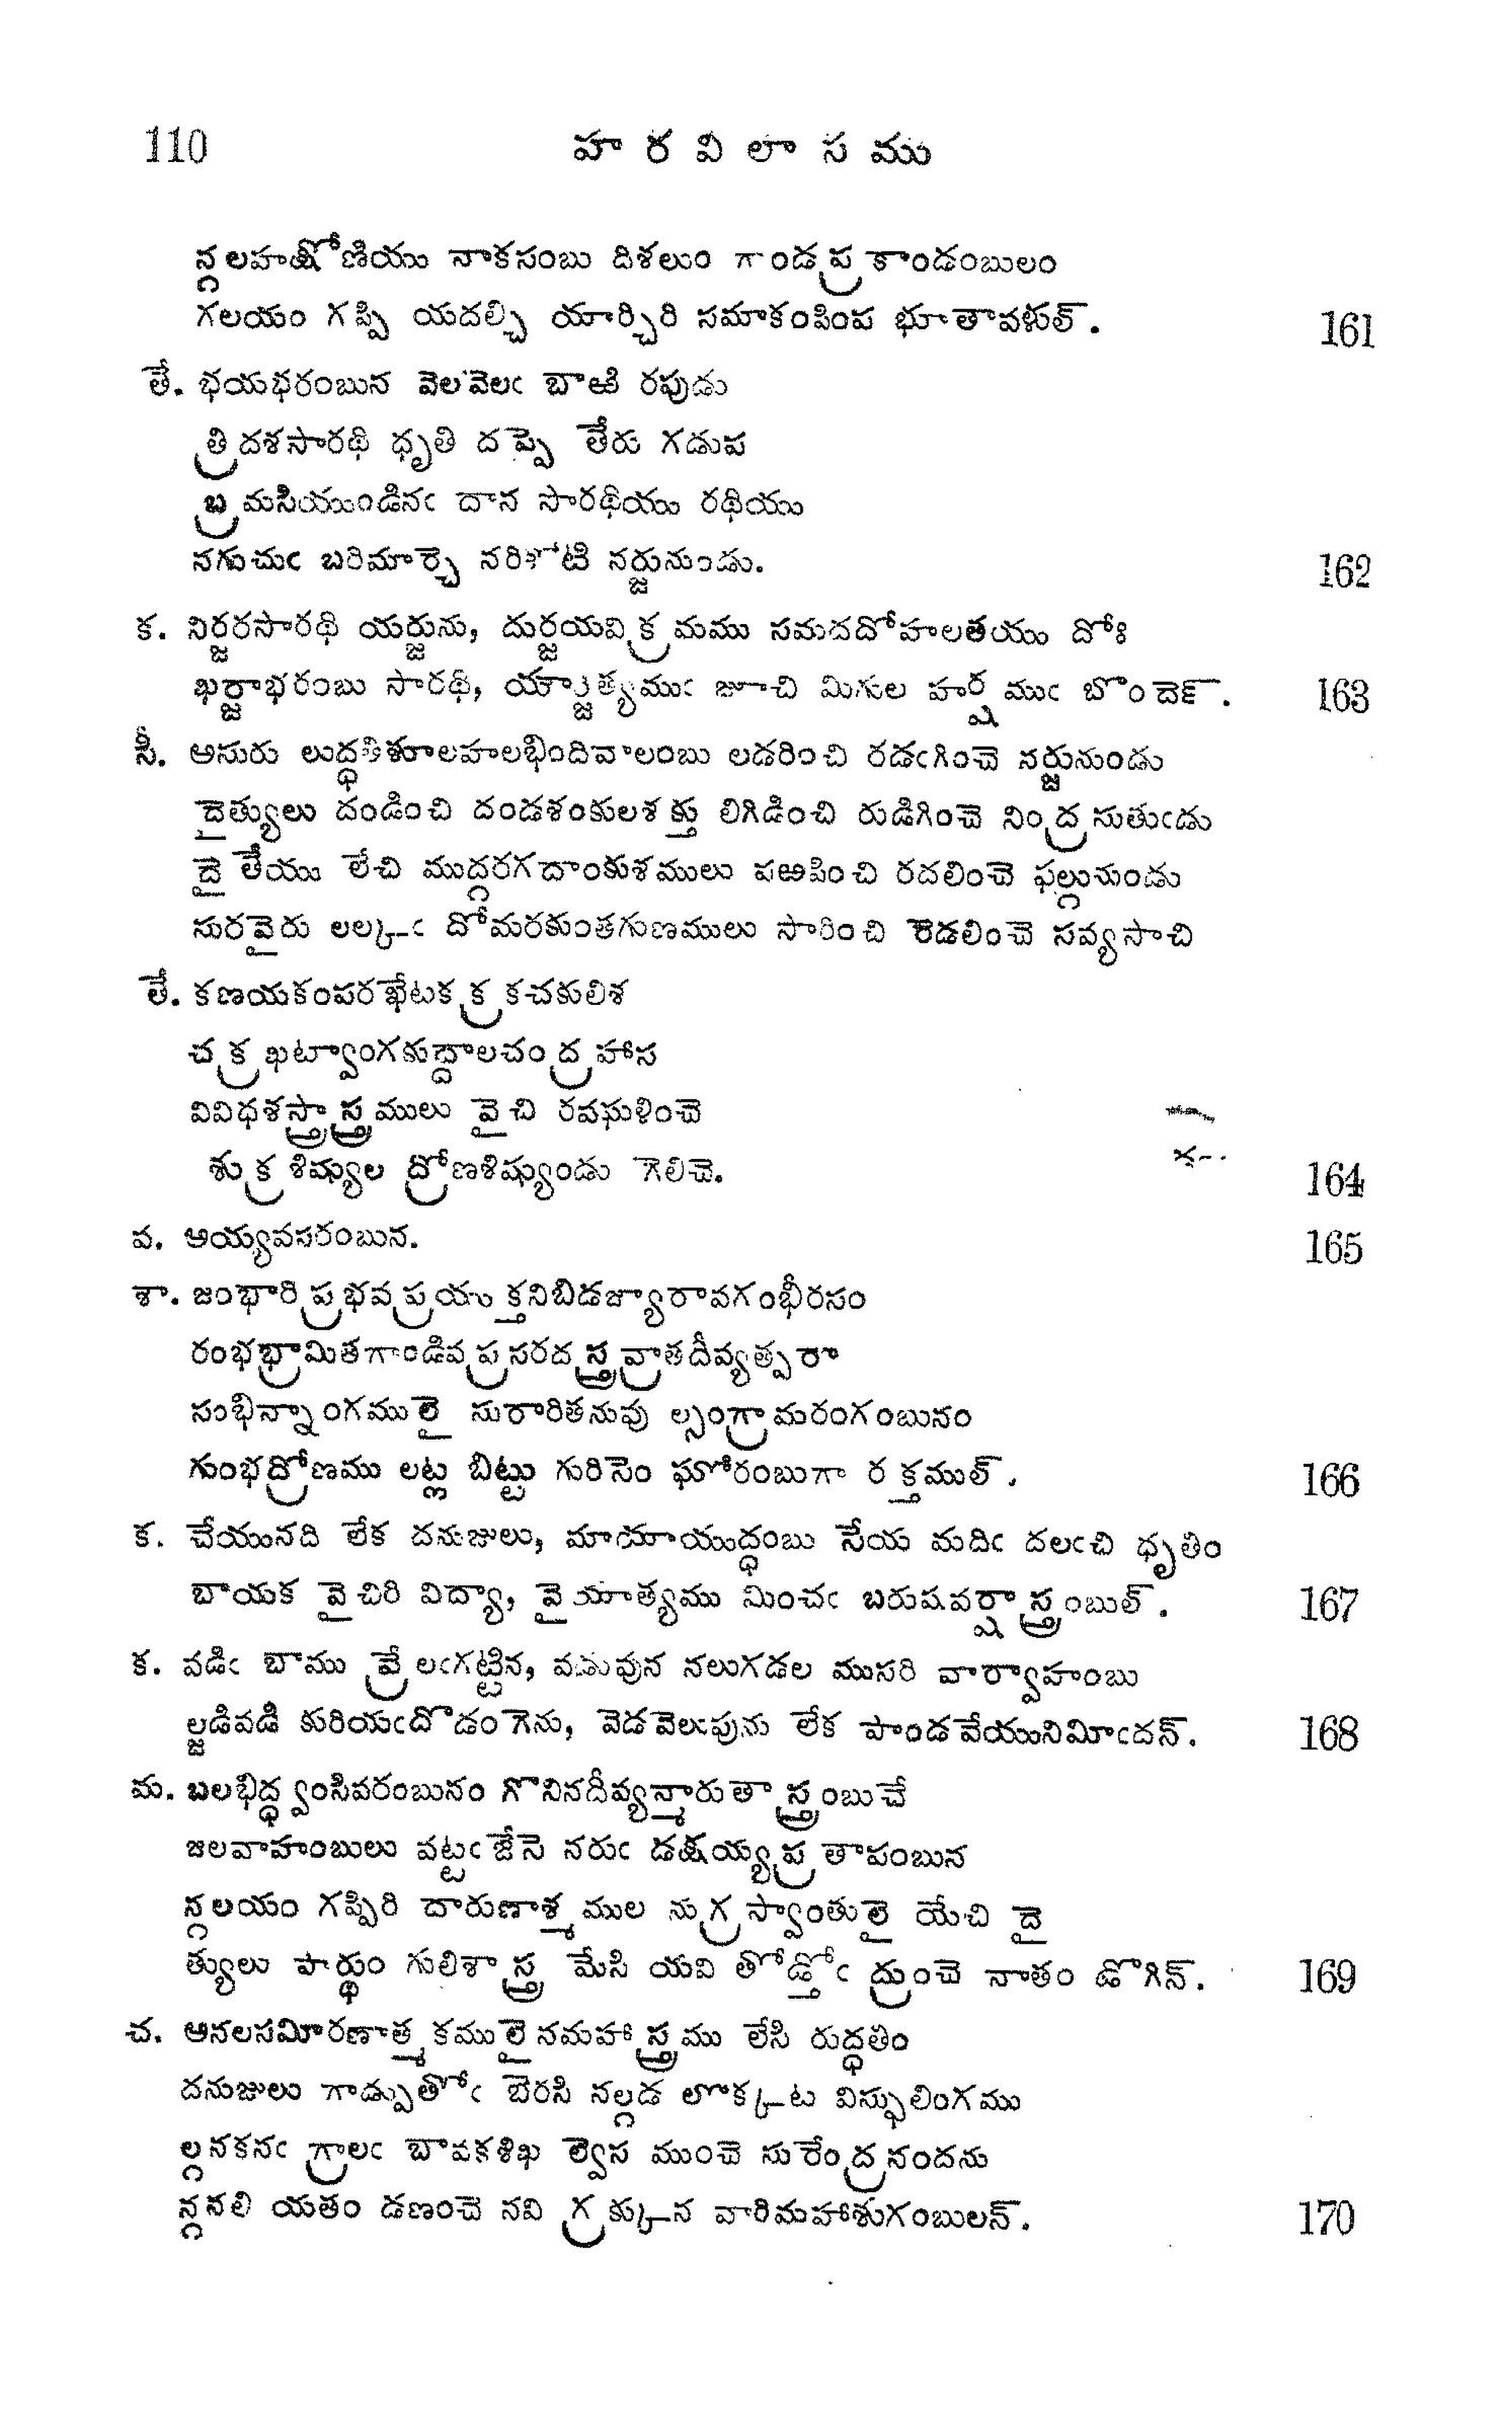న్గలహక్షోణియు నాకసంబు దిశలుం గాండప్రకాండంబులం
గలయం గప్పి యదల్చి యార్చిరి సమాకంపింప భూతావళుల్. 161

తే. భయభరంబున వెలవెలఁ బాఱి రపుడు
త్రిదశసారథి ధృతి దప్పె తేరు గడుప
బ్రమసియుండినఁ దాన సారథియు రథియు
నగుచుఁ బరిమార్చె నరికోటి నర్జునుండు. 162

క. నిర్జరసారథి యర్జును, దుర్జయవిక్రమము సమదదోహలతయు దోః
ఖర్జాభరంబు సారథి, యార్జిత్యముఁ జూచి మిగుల హర్షముఁ బొందెన్. 163

సీ. అసురు లుద్దఃతిశూలహలభిందివాలంబు లడరించి రడఁగించె నర్జునుండు
దైత్యులు దండించి దండశంకులశక్తు లిగిడించి రుడిగించె నింద్రసుతుఁడు
దైతేయు లేచి ముద్గరగదాంకుశములు పఱపించి రదలించె ఫల్గునుండు
సురవైరు లల్కఁ దోమరకుంతగుణములు సారించి రెడలించె సవ్యసాచి
తే. కణయకంపరఖేటకక్రకచకులిశ
చక్రఖట్వాంగకుద్దాలచంద్రహాస
వివిధశస్త్రాస్త్రములు వైచి రవఘళించె
శుక్రశిష్యుల ద్రోణశిష్యుండు గెలిచె. 164

వ. అయ్యవసరంబున. 165

శా. జంభారిప్రభవప్రయుక్తనిబిడజ్యారావగంభీరసం
రంభమితగాండివప్రసరదస్త్రవ్రాతదీవ్యత్పరా
సంభిన్నాంగములై సురారితనువు ల్సంగ్రామరంగంబునం
గుంభద్రోణము లట్ల బిట్టు గురిసెం ఘోరంబుగా రక్తముల్. 166

క. చేయునది లేక దనుజులు, మాయాయుద్ధంబు సేయ మదిఁ దలఁచి ధృతం
బాయక వైచిరి విద్యా, వైయాత్యము మించఁ బరుషవర్షాస్త్రంబుల్. 167

క. వడిఁ బాము వ్రేలఁగట్టిన, వడువున నలుగడల ముసరి వార్వాహంబు
ల్జడివడి కురియఁదొడంగెను, వెడవెలుపును లేక పాండవేయునిమీఁదన్. 168

మ. బలభద్ధ్వంసివరంబునం గొనినదీవ్యన్మారుతాస్త్రంబుచే
జలవాహంబులు వట్టఁజేసె నరుఁ డక్షయ్యప్రతాపంబున
న్గలయం గప్పిరి దారుణాశ్మముల నుగ్రస్వాంతులై యేచి దై
త్యులు పార్థుం గులిశాస్త్ర మేసి యవి తోడ్తోఁ ద్రుంచె నాతం డొగిన్. 169

చ. అనలసమీరణాత్మకము లైనమహాస్త్రము లేసి రుద్ధతిం
దనుజులు గాడ్పుతోఁ బెరసి నల్గడ లొక్కట విస్ఫులింగము
ల్గనకనఁ గ్రాలఁ బావకశాఖ ల్వెస ముంచె సురేంద్రనందను
న్గనలి యతం డణంచె నవి గ్రక్కున వారిమహాశుగంబులన్. 170